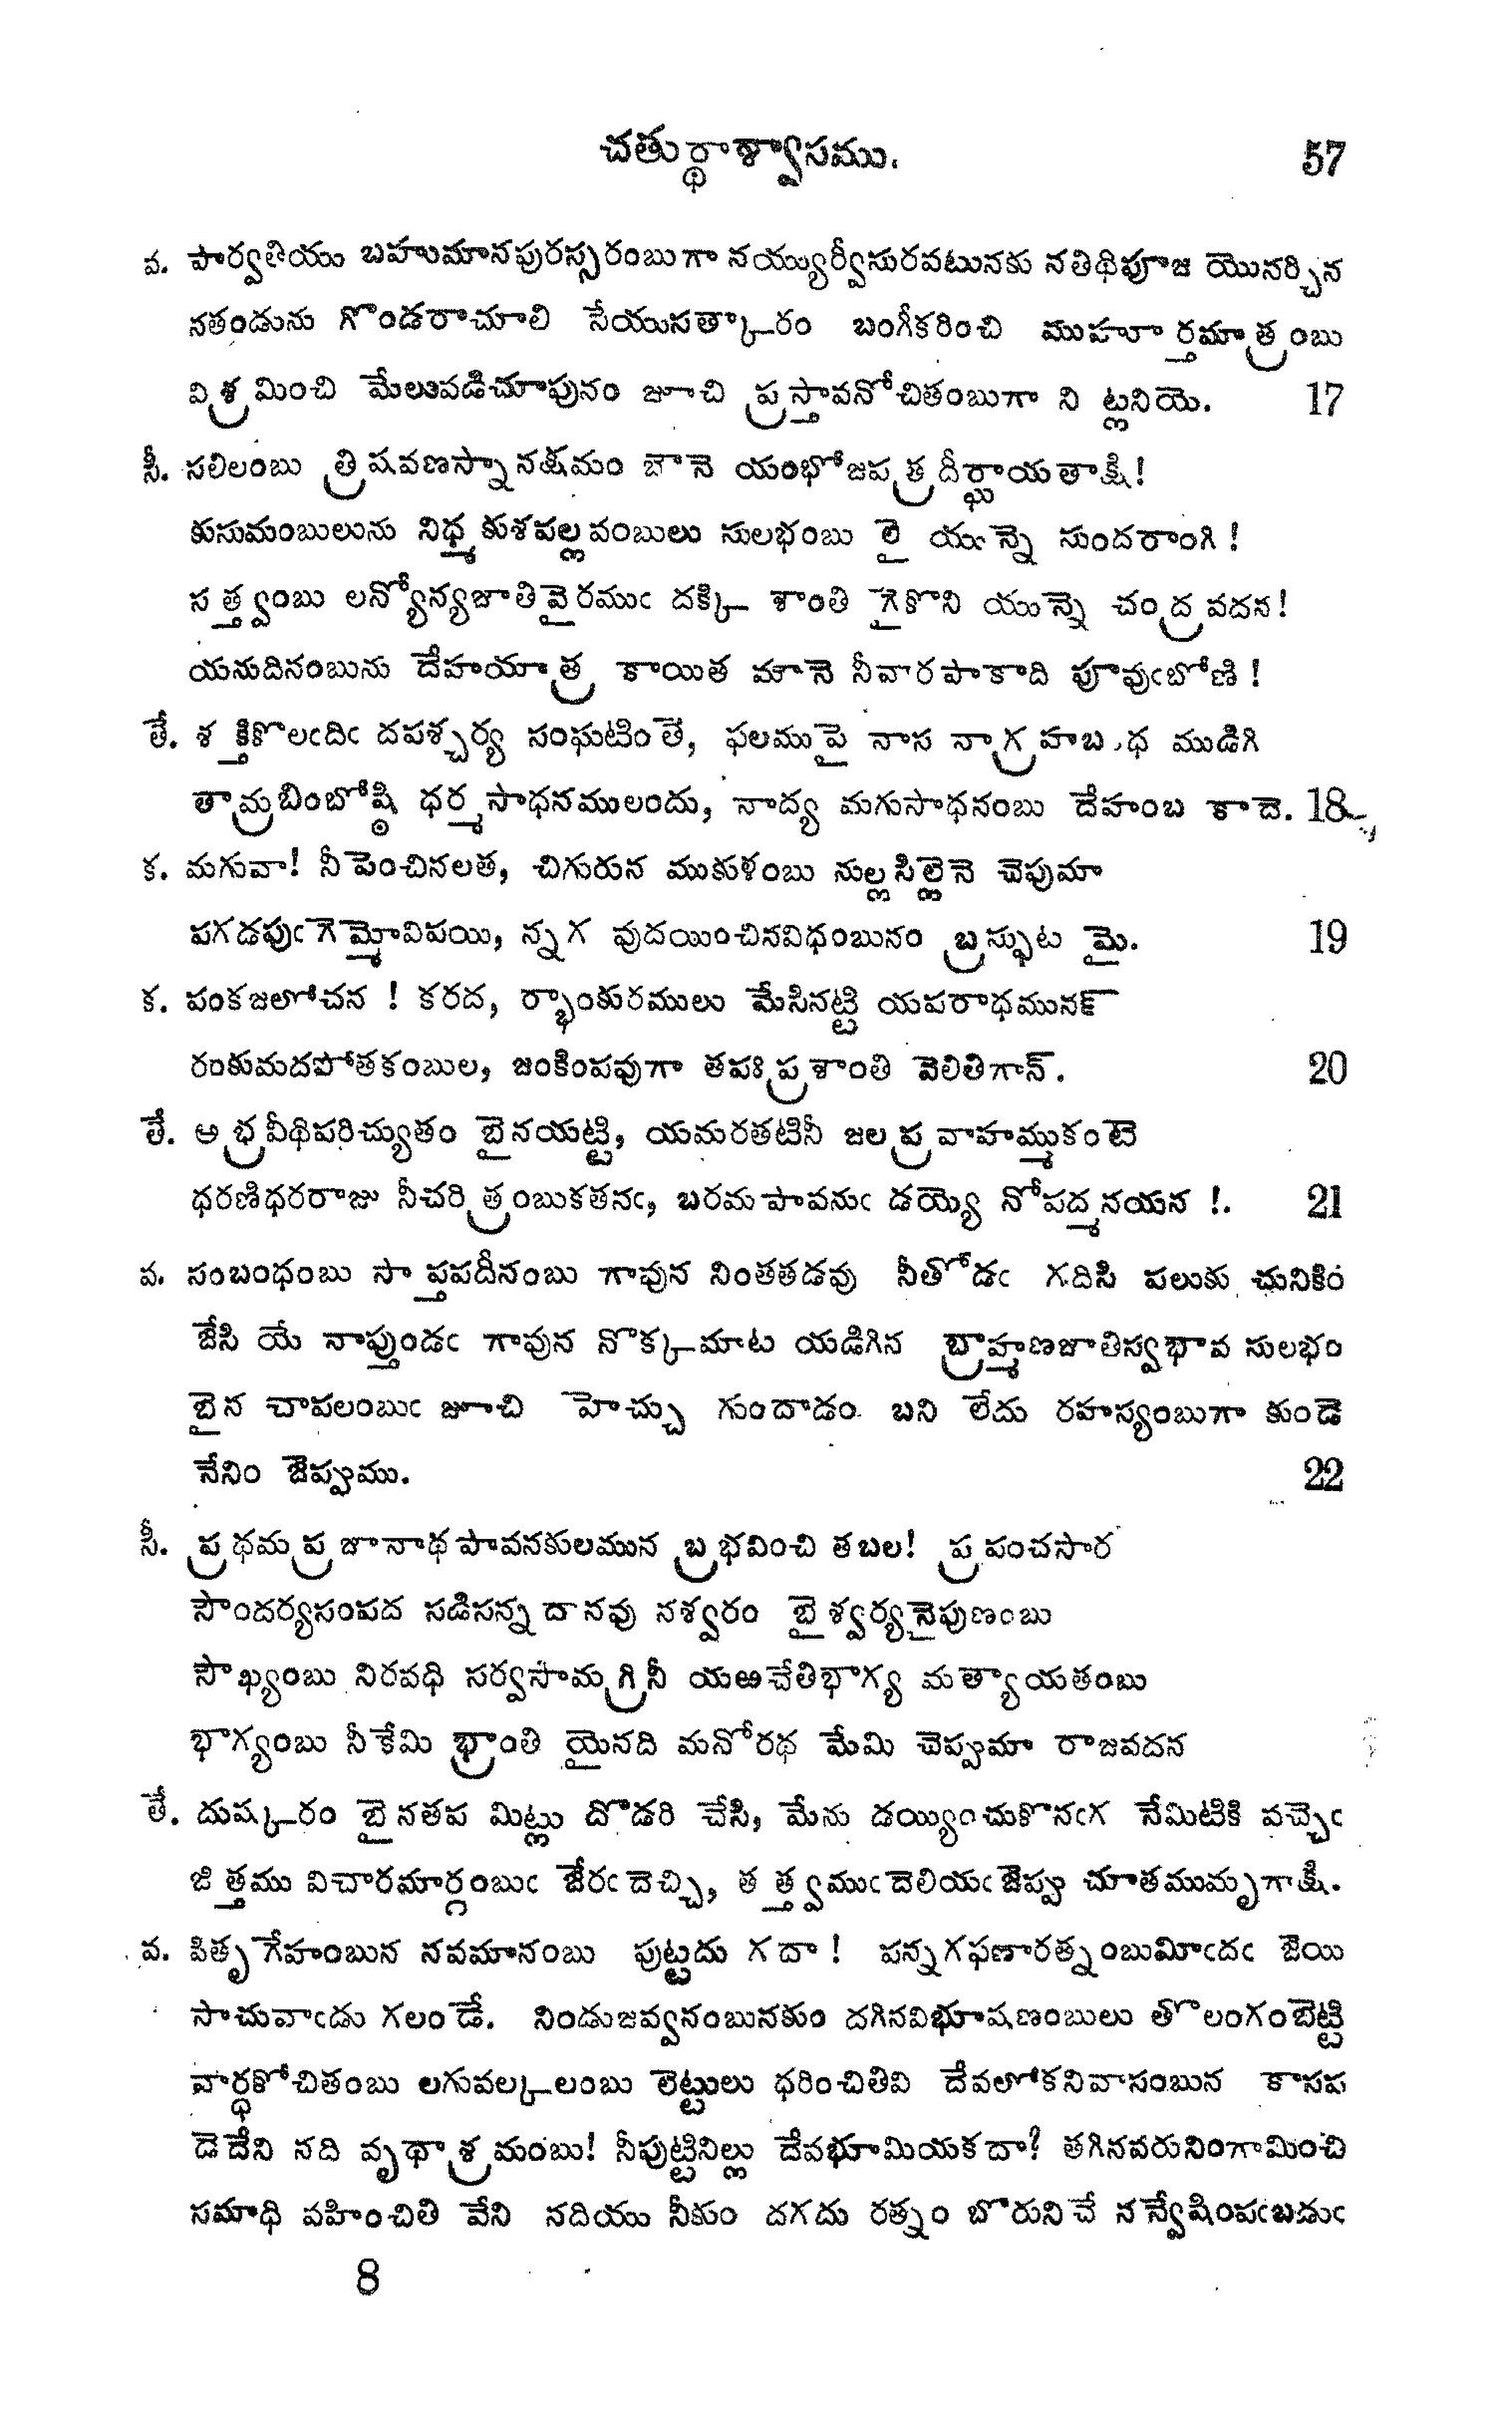వ. పార్వతియు బహుమానపురస్సరంబుగా నయ్యుర్వీసురవటునకు నతిథిపూజ యొనర్చిన నతండును గొండరాచూలి సేయుసత్కారం బంగీకరించి ముహూర్తమాత్రంబు విశ్రమించి మేలువడిచూపునం జూచి ప్రస్తావనోచితంబుగా ని ట్లనియె. 17

సీ. సలిలంబు త్రిషవణస్నానక్షమం బౌనె యంభోజపత్రదీర్ఘాయతాక్షి!
కుసుమంబులును నిధ్మకుశపల్లవంబులు సులభంబులై యున్నె సుందరాంగి!
సత్త్వంబు లన్యోన్యజాతివైరముఁ దక్కి శాంతి గైకొని యున్నె చంద్రవదన!
యనుదినంబును దేహయాత్ర కాయిత మౌనె నీవారపాకాది పూవుఁబోణి!
తే. శక్తికొలఁదిఁ దపశ్చర్య సంఘటింతె, ఫలముపై నాస నాగ్రహబంధ ముడిగి
తామ్రబింబోష్ఠి ధర్మసాధనములందు, నాద్య మగుసాధనంబు దేహంబ కాదె. 18

క. మగువా! నీ పెంచినలత, చిగురున ముకుళంబు నుల్లసిల్లెనె చెపుమా
పగడపుఁగెమ్మోవిపయి, న్నగ వుదయించినవిధంబునం బ్రస్ఫుటమై. 19

క. పంకజలోచన! కరద, ర్భాంకురములు మేసినట్టి యపరాధమునన్
రంకుమదపోతకంబుల, జంకింపవుగా తపఃప్రశాంతి వెలితిగాన్. 20

తే. అభ్రవీథిపరిచ్యుతం బైనయట్టి, యమరతటినీజలప్రవాహమ్ముకంటె
ధరణిధరరాజు నీచరిత్రంబుకతనఁ, బరమపావనుఁ డయ్యె నోపద్మనయన! 21

వ. సంబంధంబు సాప్తపదీనంబు గావున నింతతడవు నీతోడఁ గదిసి పలుకుచునికిం జేసి యే నాప్తుండఁ గావున నొక్కమాట యడిగిన బ్రాహ్మణజాతిస్వభావసులభంబైన చాపలంబుఁ జూచి హెచ్చు గుందాడం బని లేదు. రహస్యంబు గాకుండెనేనిం జెప్పుము. 22

సీ. ప్రథమప్రజానాథపావనకులమున బ్రభవించి తబల! ప్రపంచసార
సౌందర్యసంపద సడిసన్నదానవు నశ్వరం బైశ్వర్యనైపుణంబు
సౌఖ్యంబు నిరవధి సర్వసామగ్రి నీ యఱిచేతిభాగ్య మత్యాయతంబు
భాగ్యంబు నీ కేమి భ్రాంతి యైనది మనోరథ మేమి చెప్పుమా రాజవదన
తే. దుష్కరం బైనతప మిట్లు దొడరి చేసి, మేను డయ్యించుకొనఁగ నేమిటికి వచ్చెఁ
జిత్తము విచారమార్గంబుఁ జేరఁ దెచ్చి, తత్త్వముఁ దెలియఁజెప్పు చూతము మృగాక్షి. 23
 
వ. పితృగేహంబున నవమానంబు పుట్టదు గదా! పన్నగఫణారత్నంబుమీఁదఁ జెయిసాచువాఁడు గలండే. నిండుజవ్వనంబునకుం దగినవిభూషణంబులు తొలంగంబెట్టి వార్ధకోచితంబు లగువల్కలంబు లెట్టులు ధరించితివి? దేవలోకనివాసంబున కాసపడెదేని నది వృథాశ్రమంబు! నీ పుట్టినిల్లు దేవభూమియకదా? తగినవరునిం గామించి సమాధి వహించితి వేని నదియు నీకుం దగదు రత్నం బొరునిచే నన్వేషింపఁబడుఁ